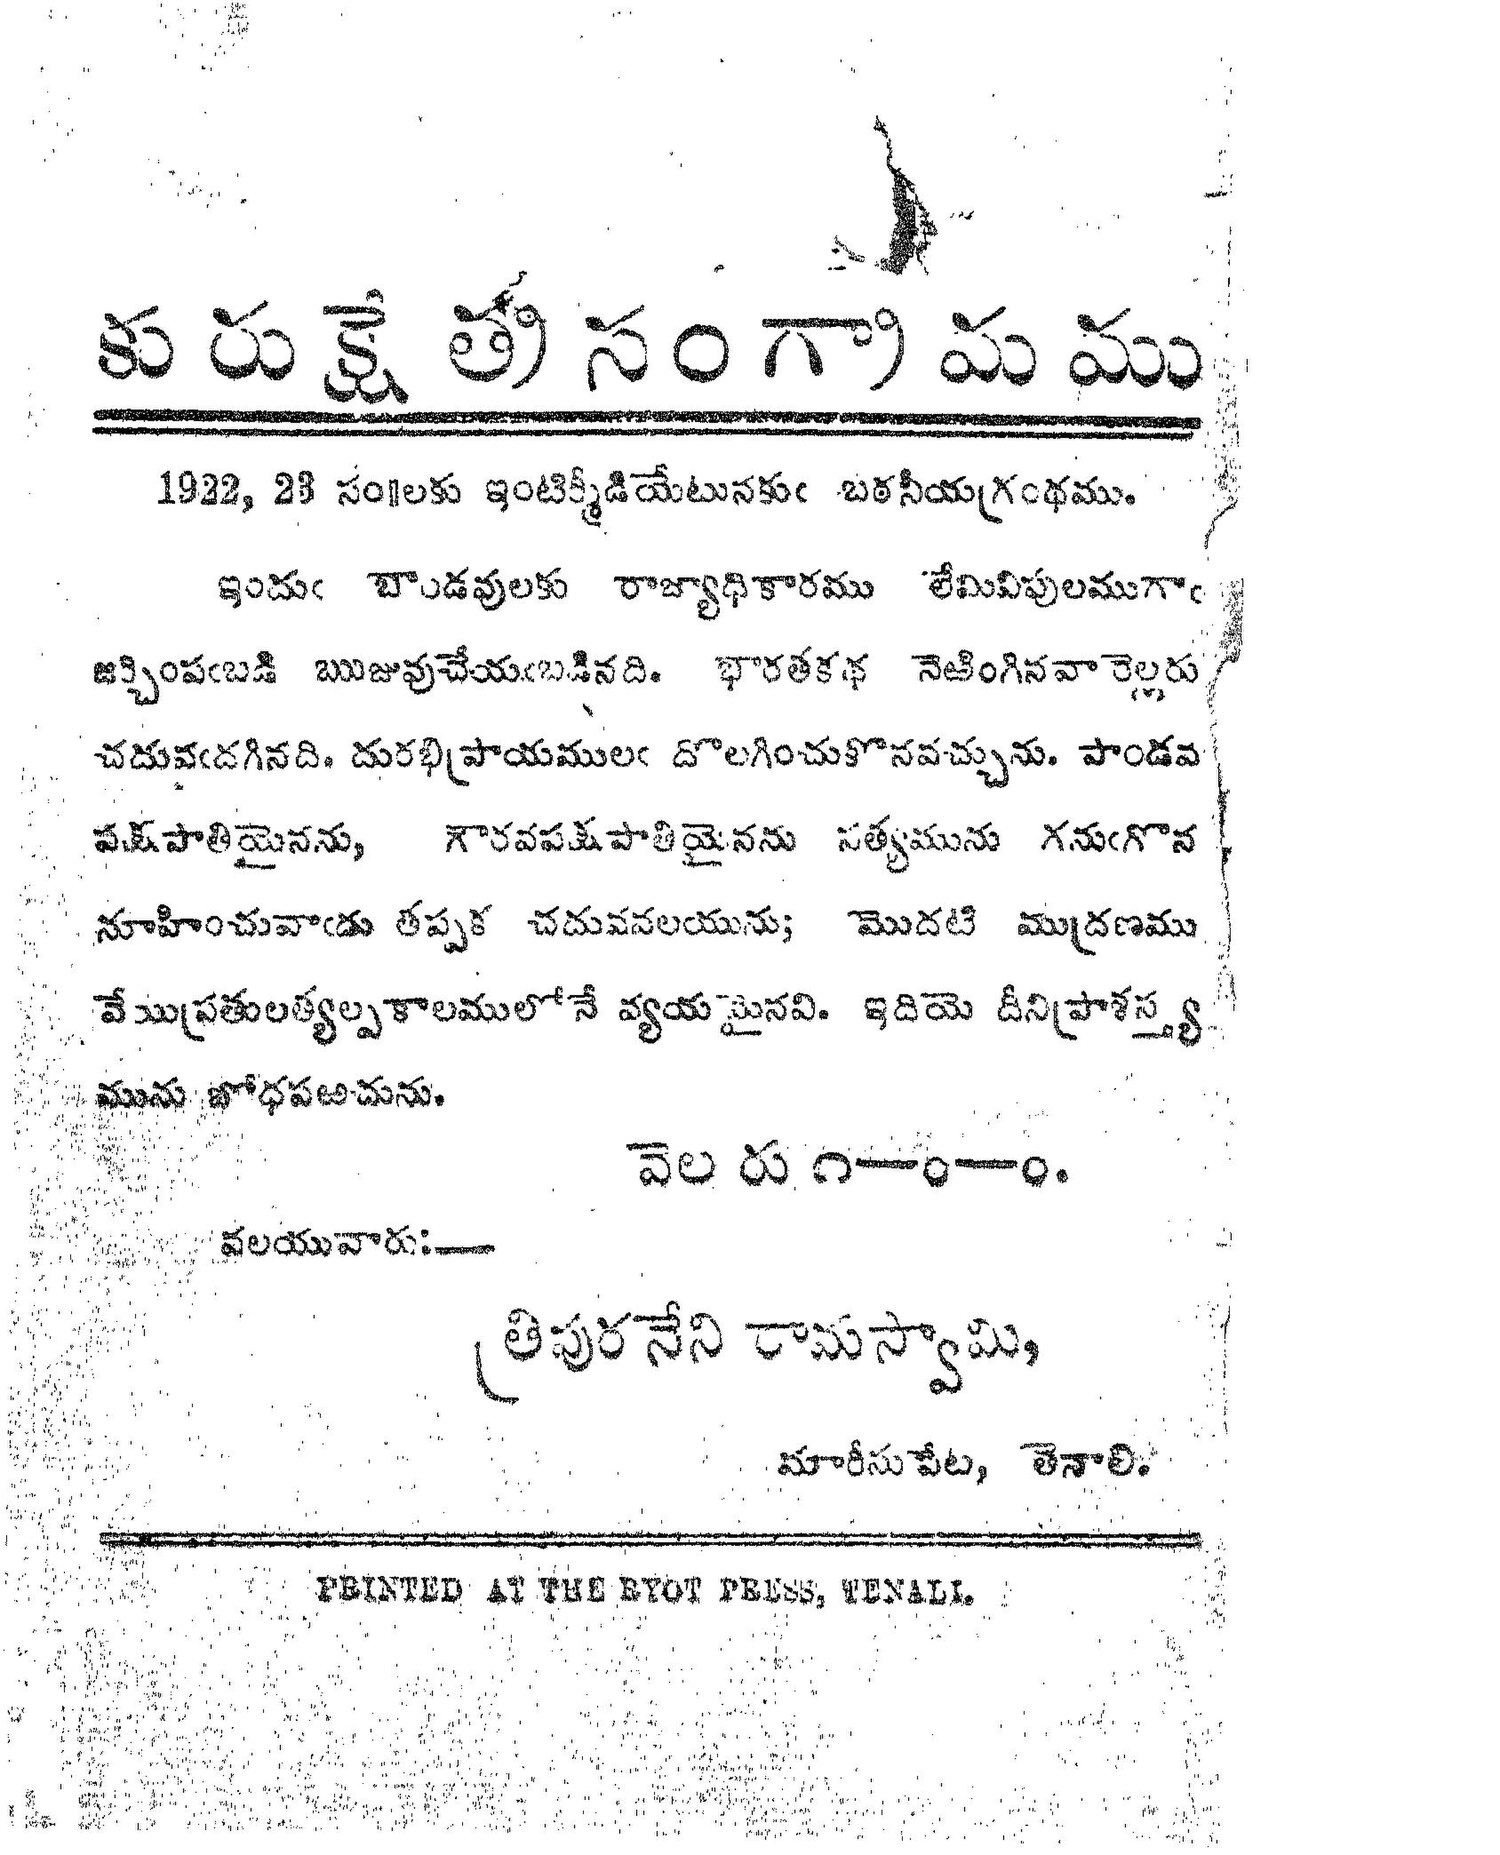ఇందుఁ బాండవులకు రాజ్యాధి కారము 'లేమివిపులముగాఁ
జిల్చింపఁ బడి ఋజువుచేయఁబడినది. భారతకథ నెఱింగిన వారెల్లరు
చదువఁదగినది. దురభిప్రాయములఁ దొలగించు కొనవచ్చును. పాండవ
పక్షపాతియైనను, గౌరవపక్ష పాతియైనను సత్యమును గనుఁగొన
నూహించువాఁడు తప్పక చదువ వలయును; మొదటి ముద్రణము, వేయిఫ్రతులత్యల్పకాలములోనే వ్యయ మైనవి. ఇదియె 
దీని ప్రాశస్త్యమును బోధపఱచును.

వెల రు -1-0-0

.